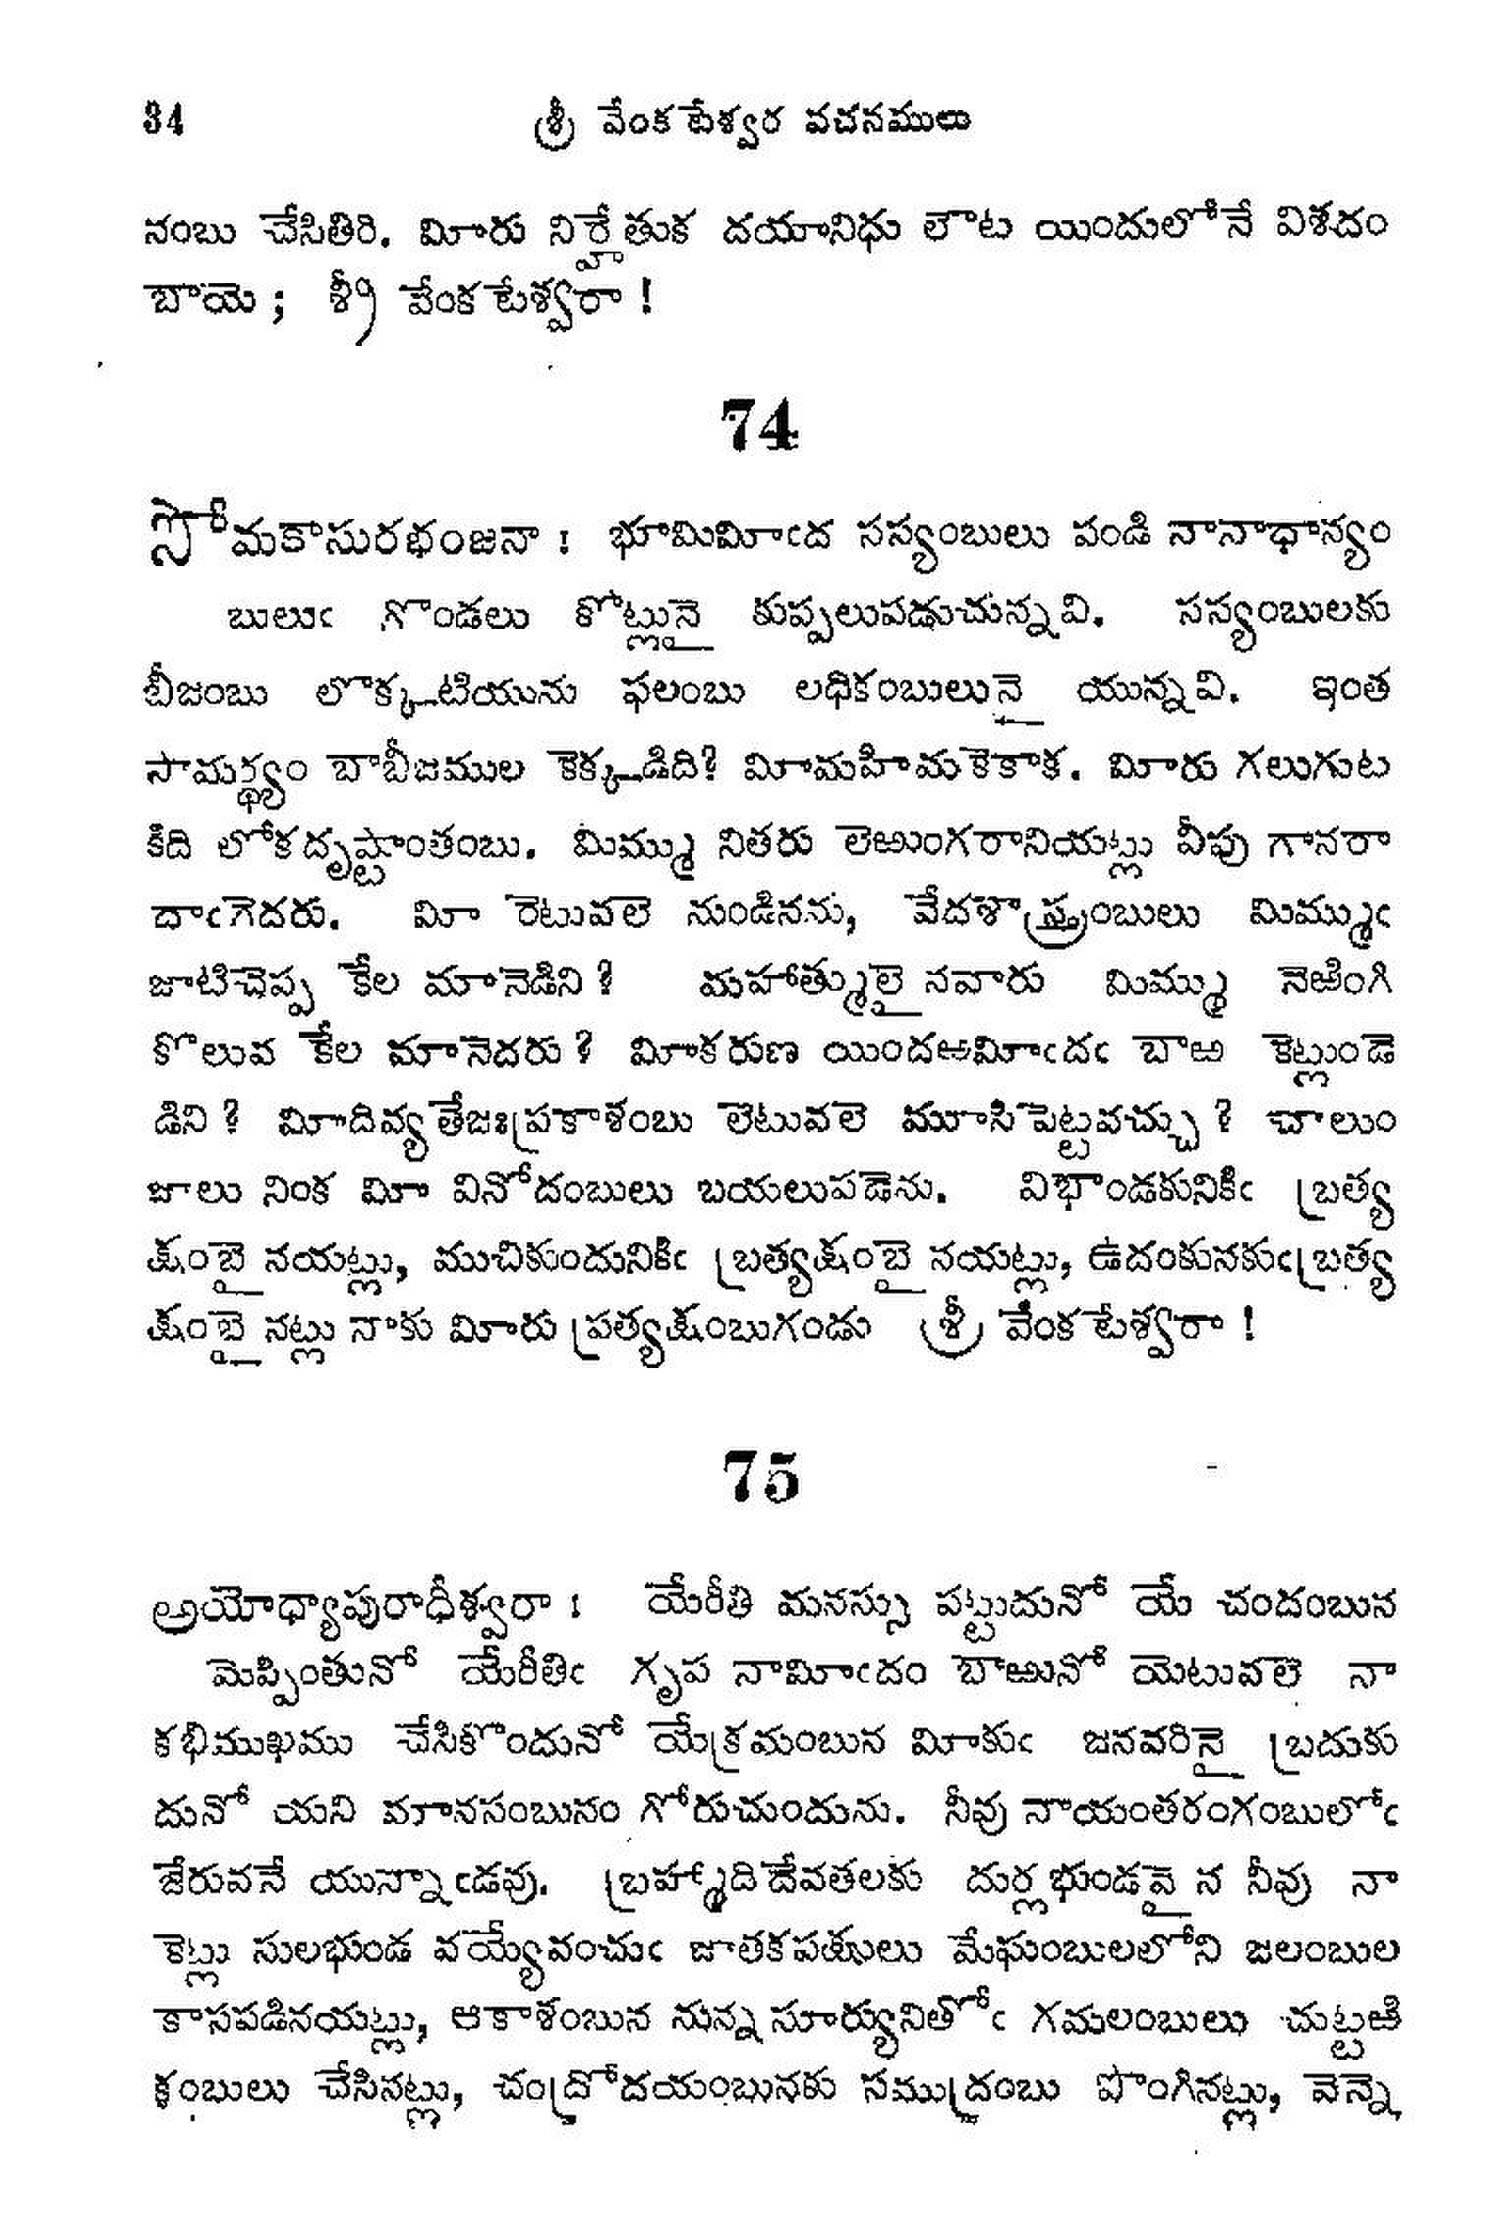నంబు చేసితిరి. మీరు నిర్హేతుక దయానిధు లౌట యిందులోనే విశదం
బాయె ; శ్రీ వేంకటేశ్వరా !

74

! భూమిమీఁద సస్యంబులు పండి నానాధాన్యంబులుఁ గొండలు కోట్లునై, కుప్పలుపడుచున్నవి. సస్యంబులకు బీజంబు లొక్కటియును ఫలంబు లధికంబులునై యున్నవి. ఇంత సామర్థ్యం బాబీజముల కెక్కడిది? మీమహిమకెకాక. మీరు గలుగుట కిది లోక దృష్టాంతంబు. మిమ్ము నితరు లెఱుంగరానియట్లు వీపు గానరా దాఁగెదరు. మీ రెటువలె నుండినను, వేదశాస్త్రంబులు మిమ్ముఁ జాటి చెప్ప కేల మానెడిని ? మహాత్ములై నవారు మిమ్ము నెఱింగి కొలువ కేల మానెదరు? మీకరుణ యిందఱమీఁదఁ బాఱ కెట్లుండెడిని ? మీదివ్య తేజః ప్రకాశంబు లెటువలె మూసి పెట్టవచ్చు? చాలుం జాలు నింక మీ వినోదంబులు బయలుపడెను. విభాండకునికిఁ బ్రత్యక్షంబైనయట్లు, ముచికుందునికిఁ బ్రత్యక్షంబై నయట్లు, ఉదంకునకుఁ బ్రత్యక్షంబై నట్లు నాకు మీరు ప్రత్యక్షంబుగండు శ్రీ వేంకటేశ్వరా !

75

 ! యేరీతి మసస్సు పట్టుదునో యే చందంబున
మెప్పింతునో యేరీతిఁ గృప నామీఁదం బాఱునో యెటువలె నా కభిముఖము చేసికొందునో యేక్రమంబున మీకుఁ జనవరినై బ్రదుకు దునో యని మానసంబునం గోరుచుందును. నీవు నాయంతరంగంబులో జేరువనే యున్నాఁడవు. బ్రహ్మాది దేవతలకు దుర్లభుండవై న నీవు నా కెట్లు సులభుండ వయ్యేవంచుఁ జాతక పక్షులు మేఘంబులలోని జలంబుల కాసపడినయట్లు, ఆకాశంబున నున్న సూర్యునితో గమలంబులు చుట్టఱి కంబులు చేసినట్లు, చంద్రోదయంబునకు సముద్రంబు పొంగినట్లు, వెన్నె